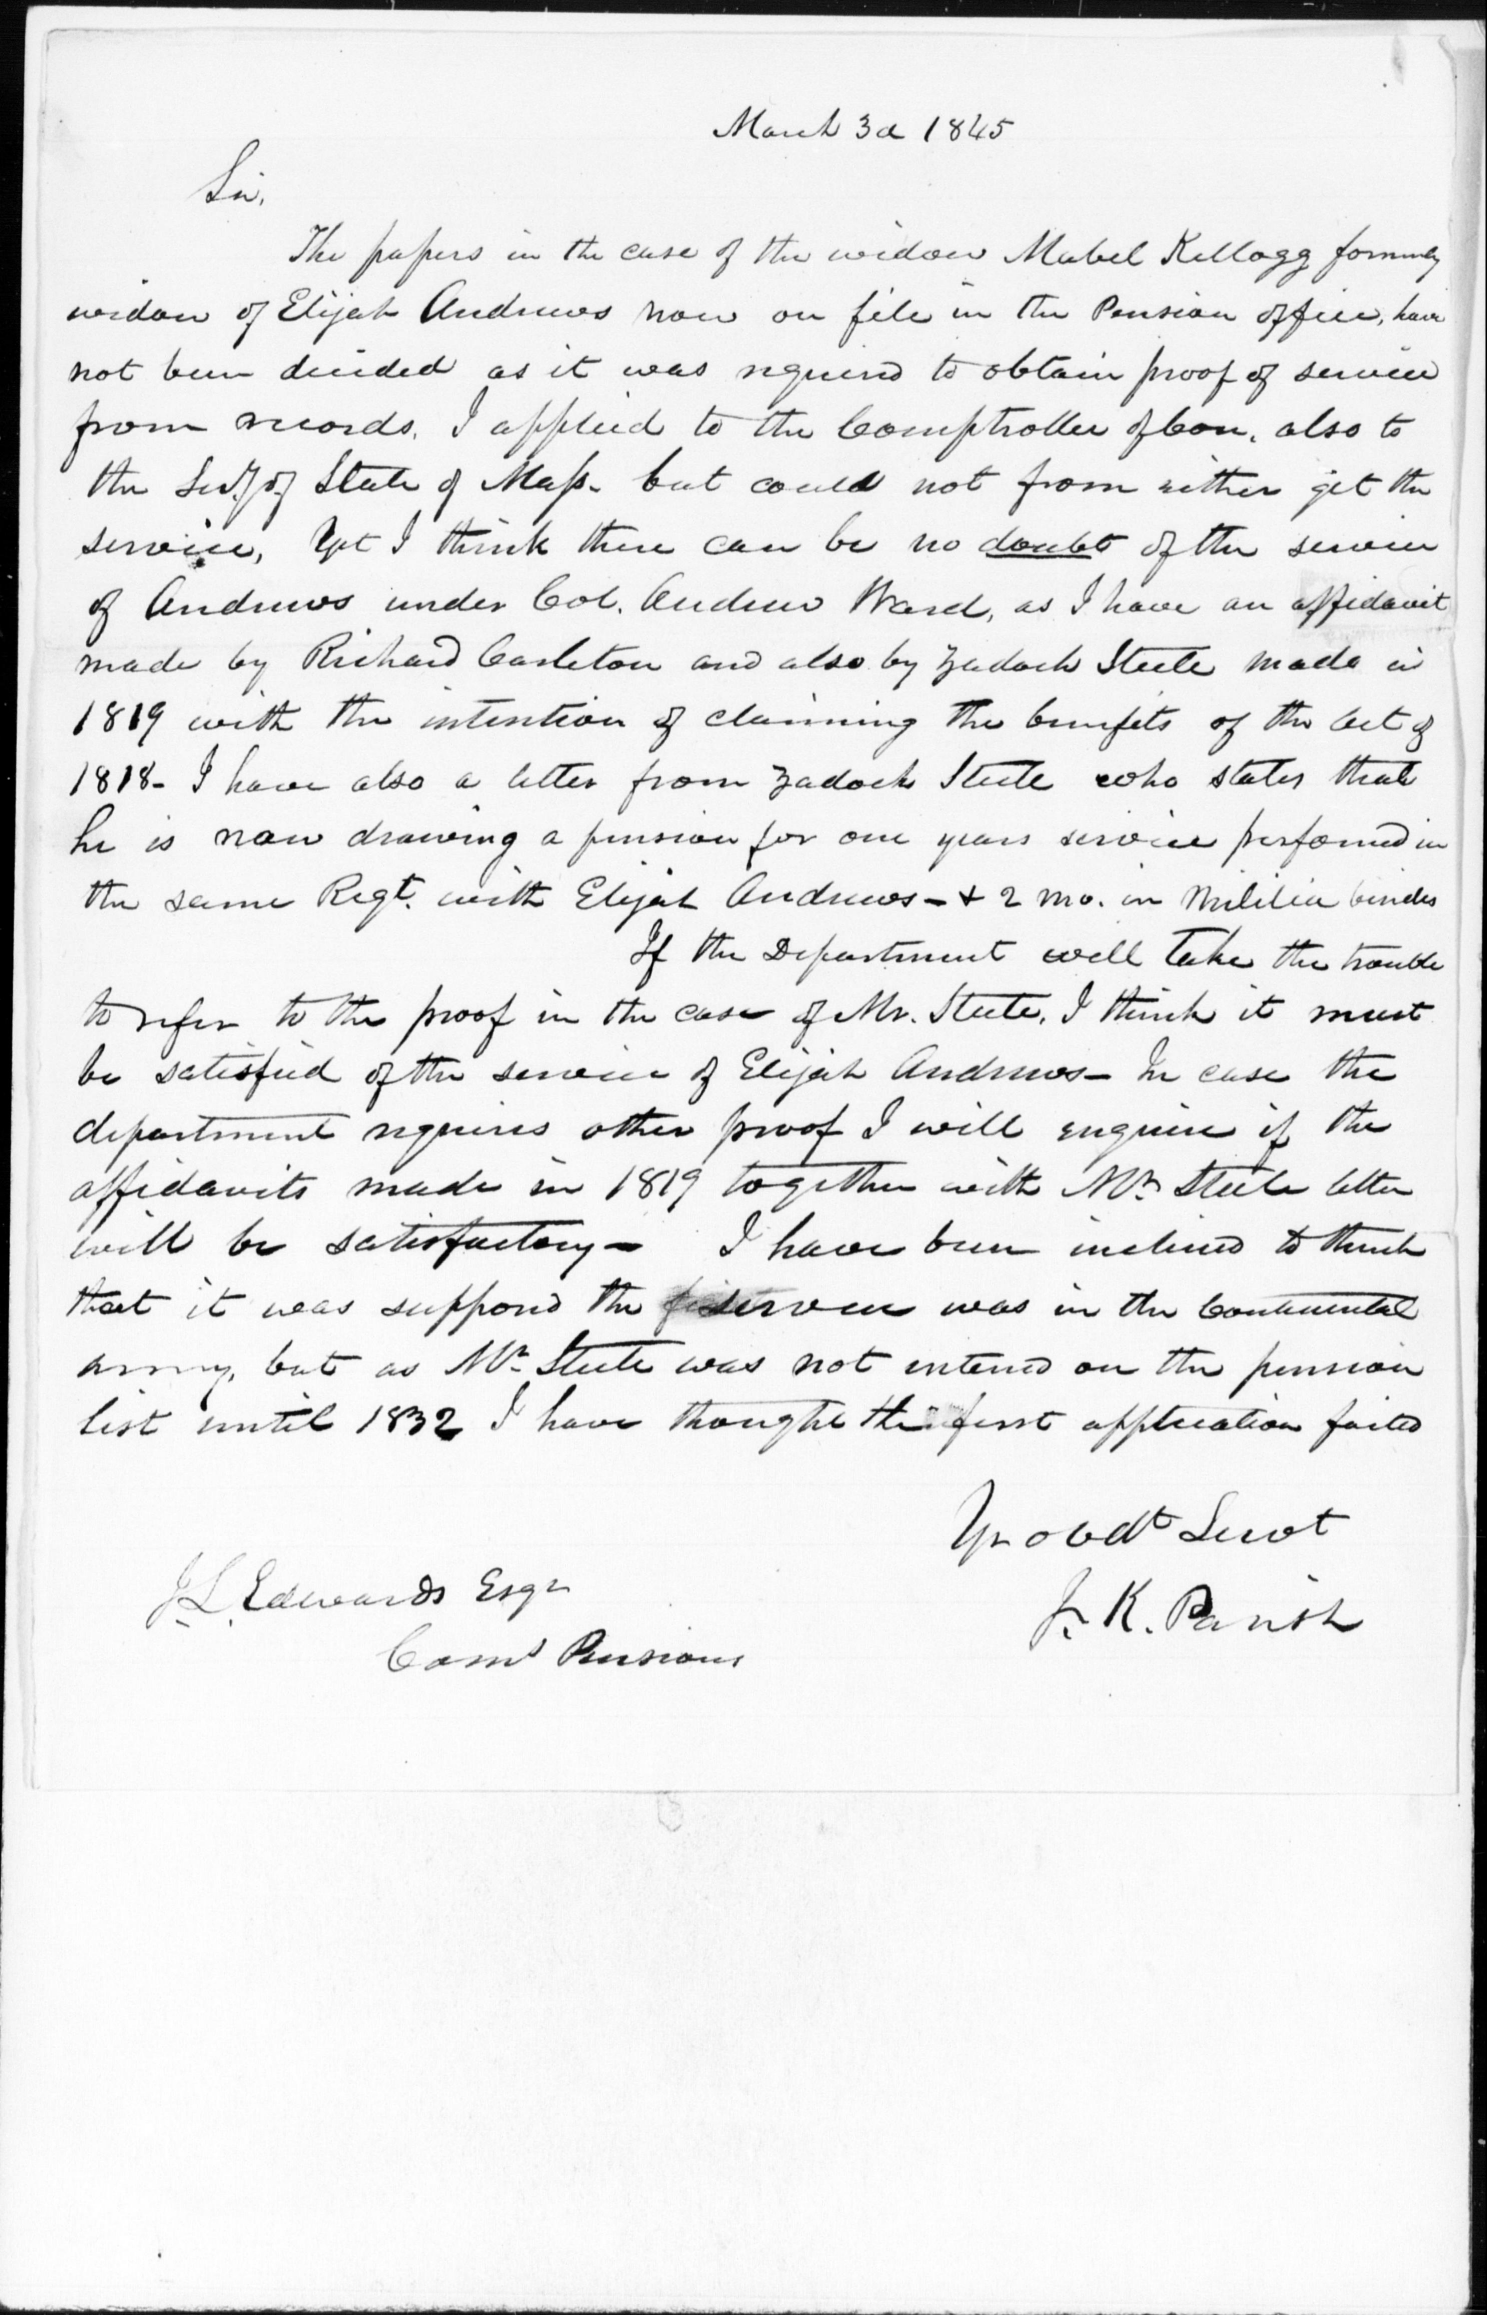March 3d 1845
Sir:
  The papers in the case of the widow Mabel Kellogg formerly widow of Elijah Andrews now on file in the Pension office, have not been decided as it was required to obtain proof of service from records.  I applied to the Comptroller of Con. also to the Secy of State of Mass. but could not from either get the service, but I think there can be no doubt of the service of Andrews under Col. Andrew Ward, as I have an affidavit made by Richard Carleton and also by Zadoch Steele made in 1819 with the intention of claiming the benefits of the Act of 1818.  I have also a letter from Zadoch Steele who states that he is now drawing a pension for one years service performed in the same Regt. with Elijah Andrews & 2 mo. in Militia (?)
  If the Department will take the trouble to refer to the proof in the case of Mr. Steele, I think it must be satisfied of the service of Elijah Andrews.  In case the department requires other proof I will enquire if the affidavits made in 1819 together with Mr. Steele letter will be satisfactory.  I have been inclined to think that it was supposed the service was in the Continental army, but as Mr. Steele was not entered on the pension list until 1832 I have thought the first application failed
Yr Obdt Servt
J.K. Parish

J.L. Edwards Esqr
Commr Pensions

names: Elijah Andrews, Steele, Andrews, Mabel Kellogg, Elijah Andrews, J L Edwards, Steele, Elijah Andrews, Steele, Richard Carleton, J K Parish, Andrew Ward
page: 11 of 19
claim: rejected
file: R. 5836, Elijah Andrews, Conn.